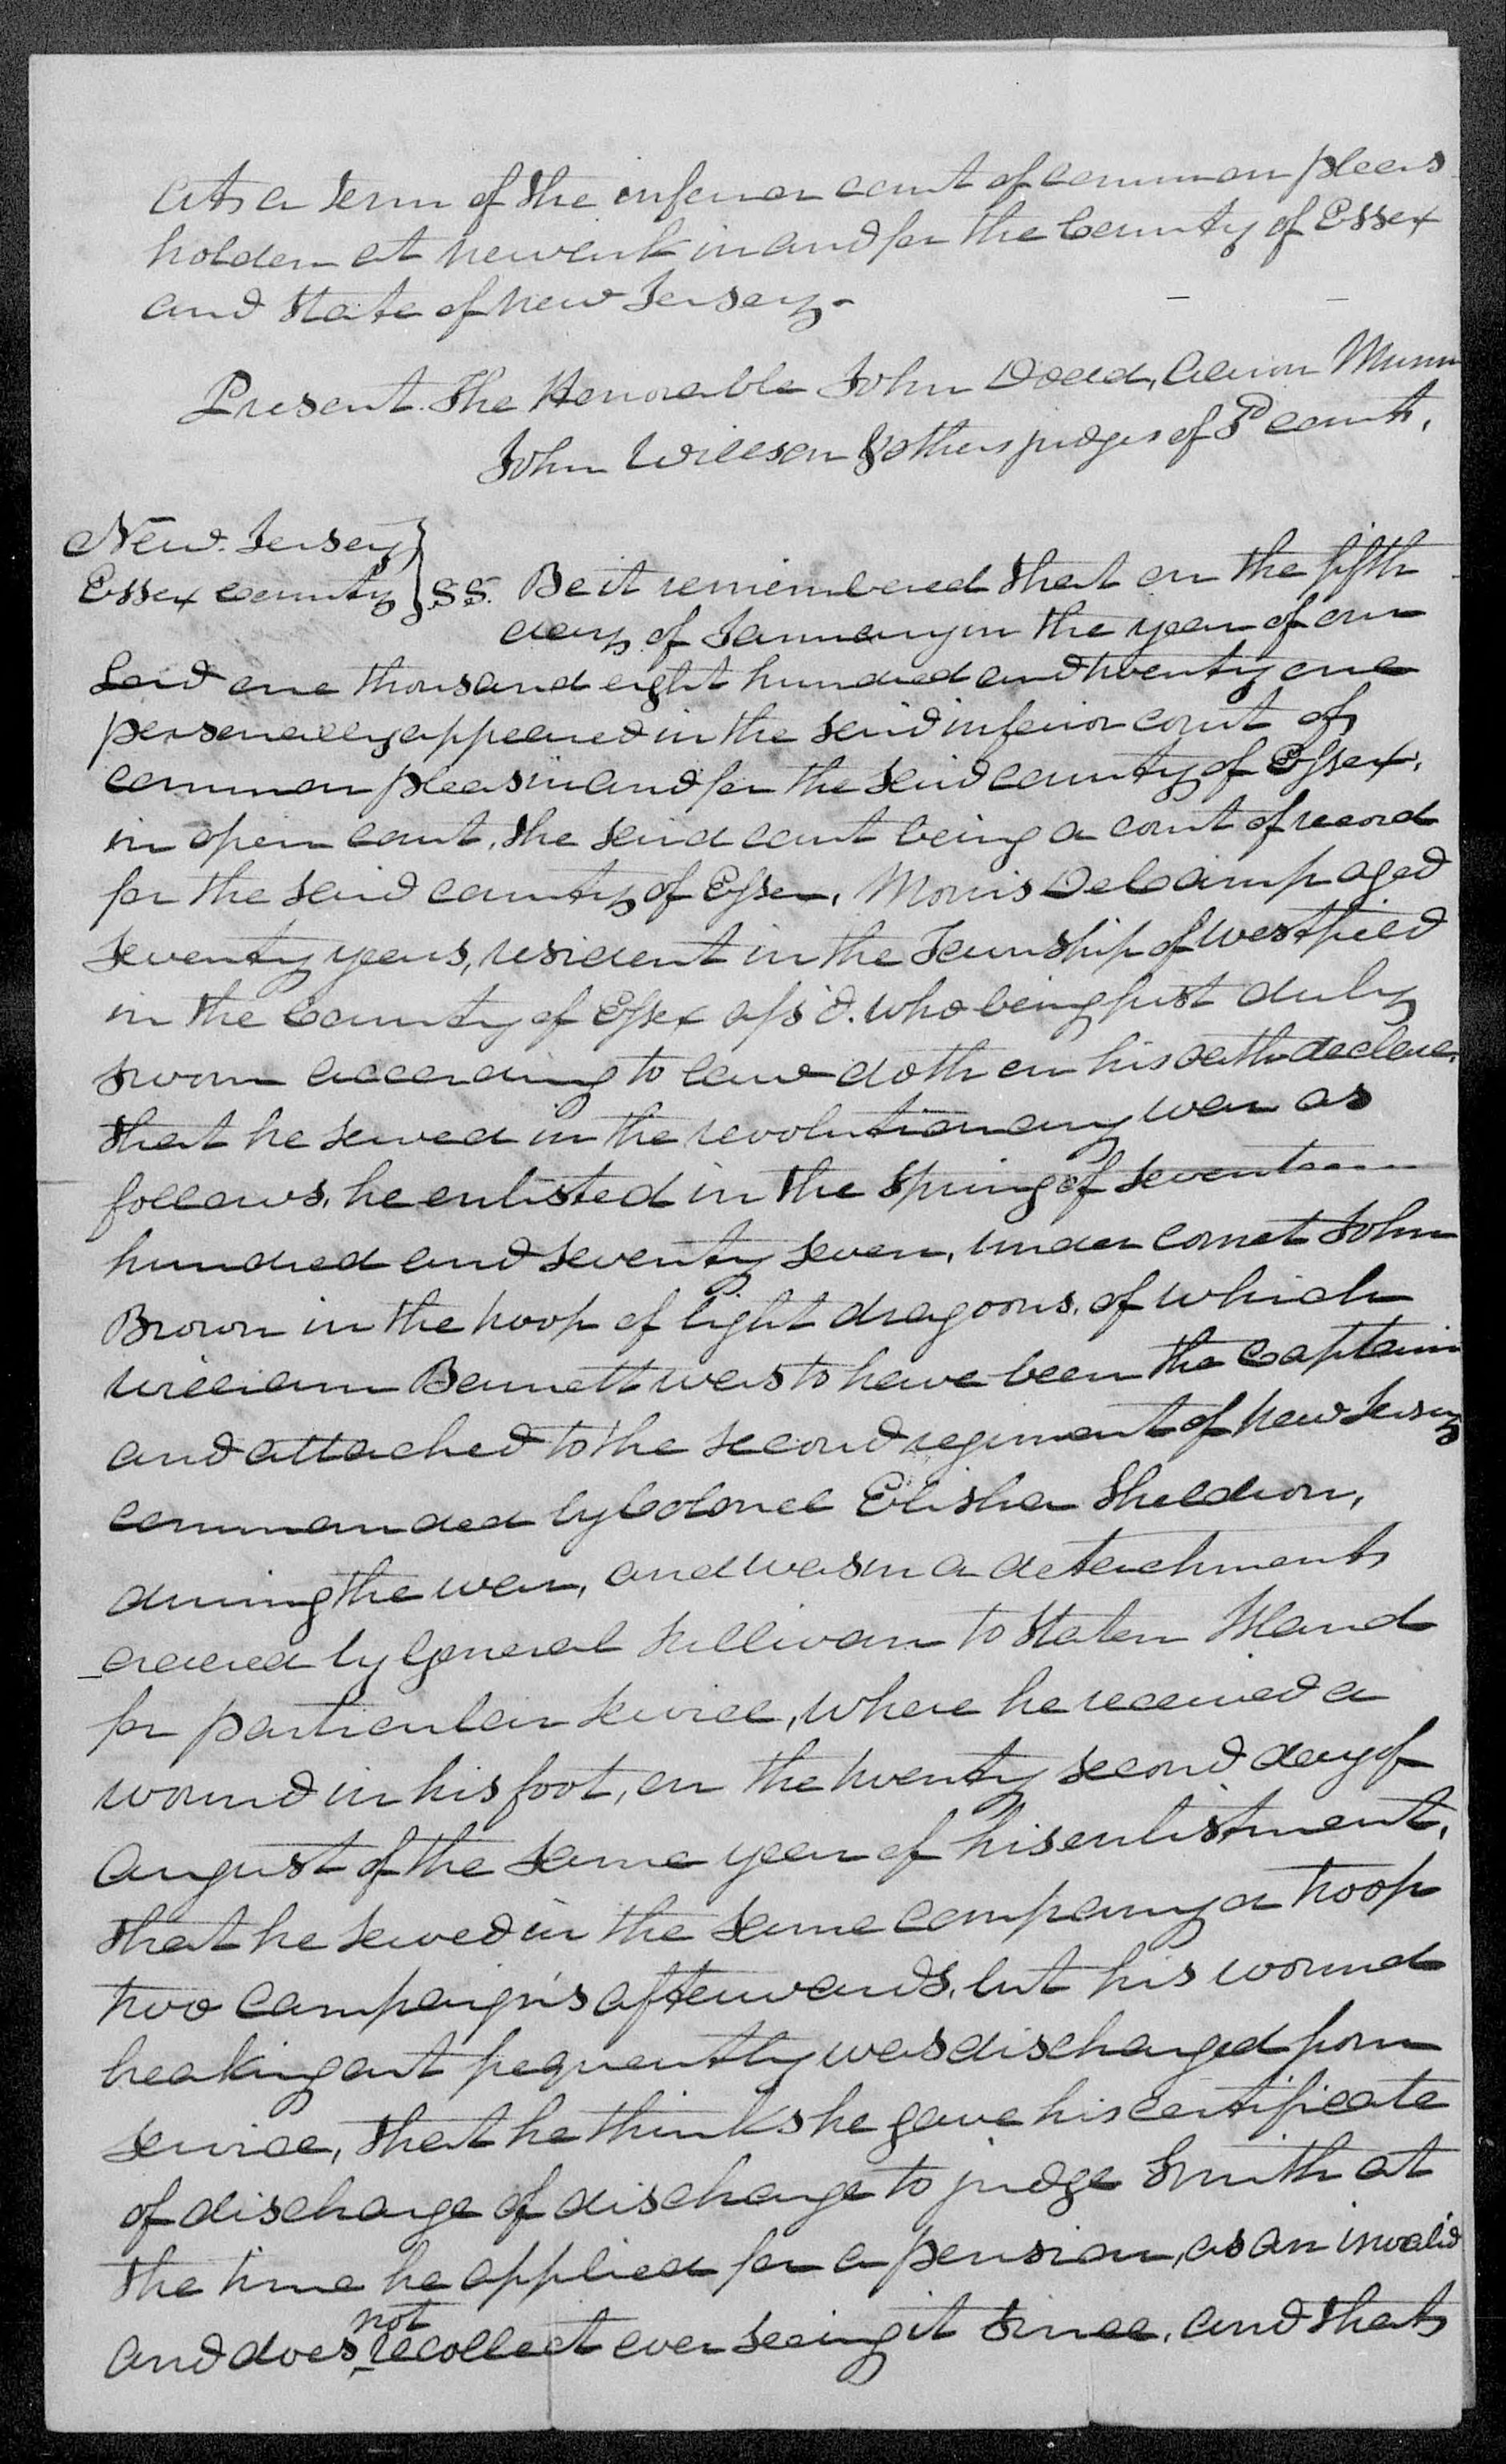at a term of the inferior Court of Common pleas
holden at Newark in and for the County of Essex
and State of New Jersey.

Present. The Honorable John Dodd, Aaron Munn, John Willson & others Judges of sd. court.

New Jersey }
Essex County } ss. Be it remembered that on the fifth day of January in the year of our
Lord one thousand eight hundred and twenty one personally appeared in the said inferior Court of common pleas in and for the said County of Essex, in open court, the said court being a court of record for the said County of Essex Morris De Camp aged Seventy years, resident in the Township of Westfield in the County of Essex afsd. who being first duly
sworn according to law doth on his oath declare
that he served in the revolutionary war as
follows, he enlisted in the Spring of seventeen
hundred and Seventy Seven, under Cornet John
Brown in the troop of light dragoons, of which
William Bennett was to have been the Captain
and attached to the second regiment of New Jersey commanded by Colonel Elisha Sheldon,
during the war, and was in a detachment erected by General Sullivan to Staten Island for particular service, where he received a wound in his foot, on the twenty second day of
August of the same year of his enlistment, that he served in the same company or troop two Campaigns afterwards, but his wound
breaking out frequently was discharged from
service, that he thinks he gave his certificate
of discharge of discharge [sic] to judge Smith at
the time be applied for a pension, as an invalid
and does not recollect ever seeing it since, and that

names: John Brown, Elisha Sheldron, Sullivan, William Bennett, John Dodd, Aaron Munn, Morris Decamp, John Willson, Staten Maud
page: 10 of 52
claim: survivor's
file: S. 34172, Morris D Camp, Continental (New Jersey)